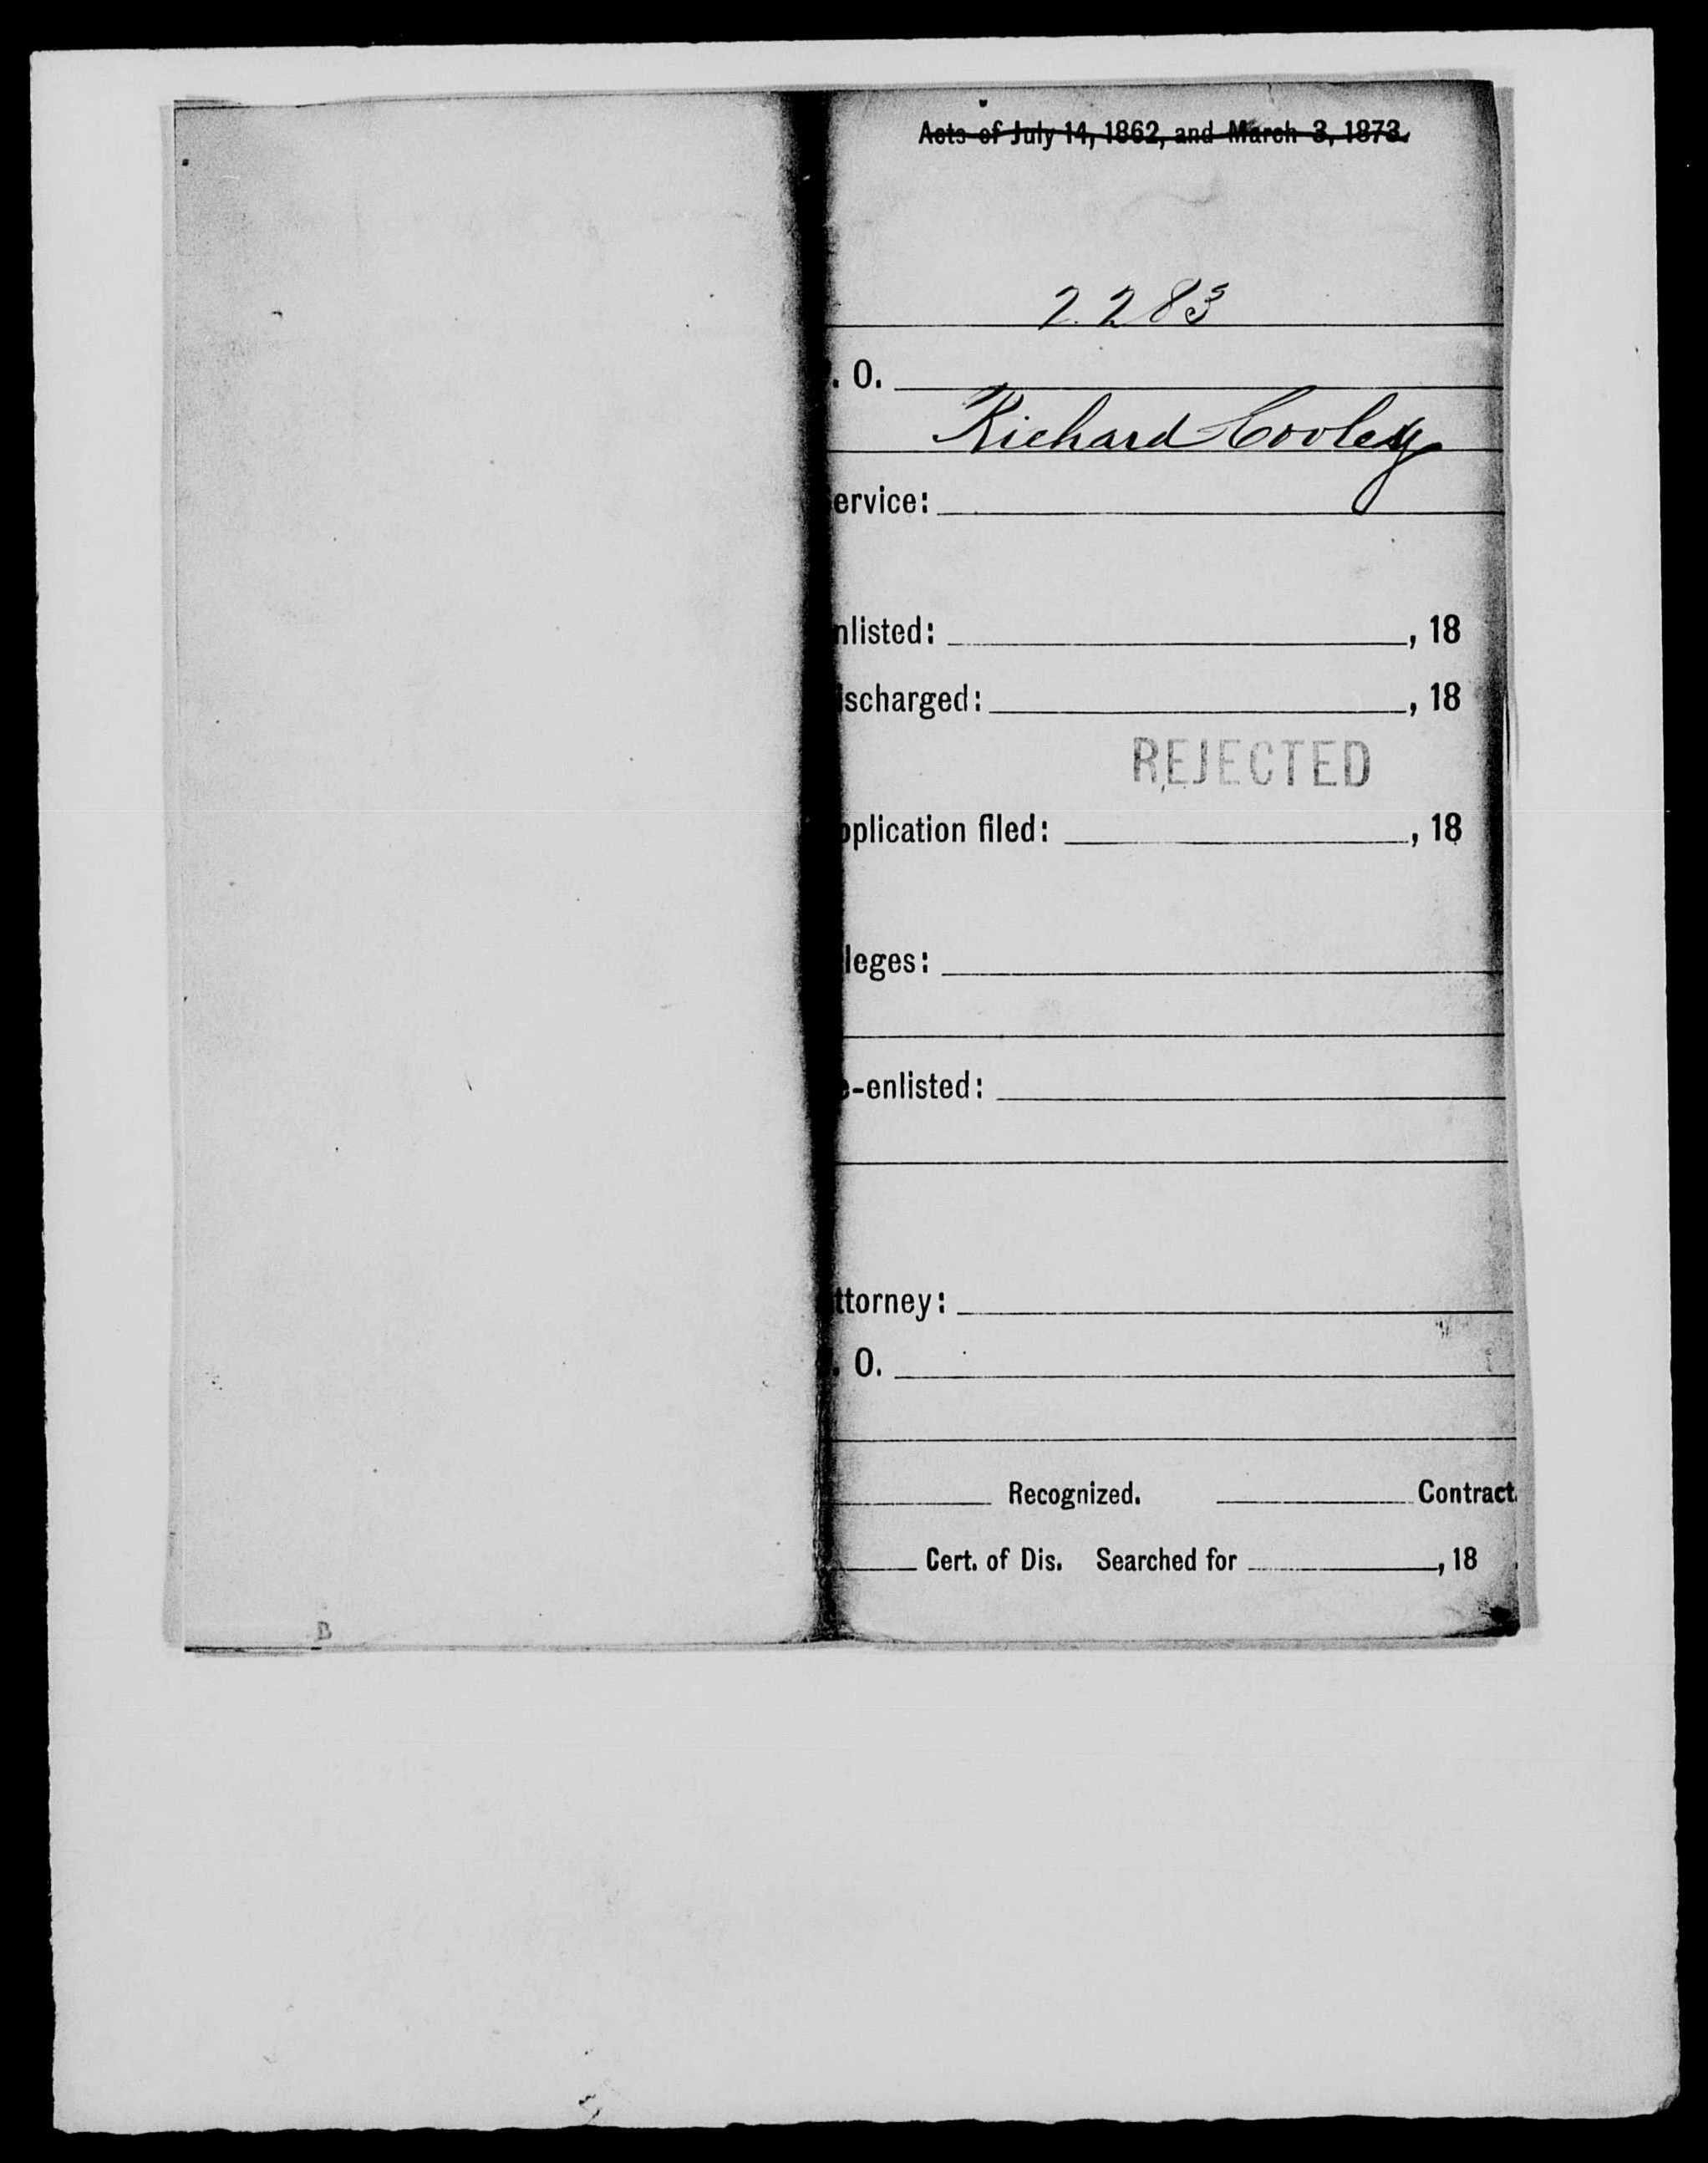[crossed out begin]
Acts of July 14, 1862, and March 3, 1873
[crossed out end]

2283
.0. 
Richard Cooley
ervice:
nlisted:_____, 18
scharged:___, 18
plicationfiled: Rejected, 18
leges:
-enlisted:
ttorney:
.0.
Recognized.  __ Contract
Cert. of Dis.   Searched for___, 18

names: Richard Cooley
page: 17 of 19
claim: rejected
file: R. 2,283, Richard Cooley, Md.